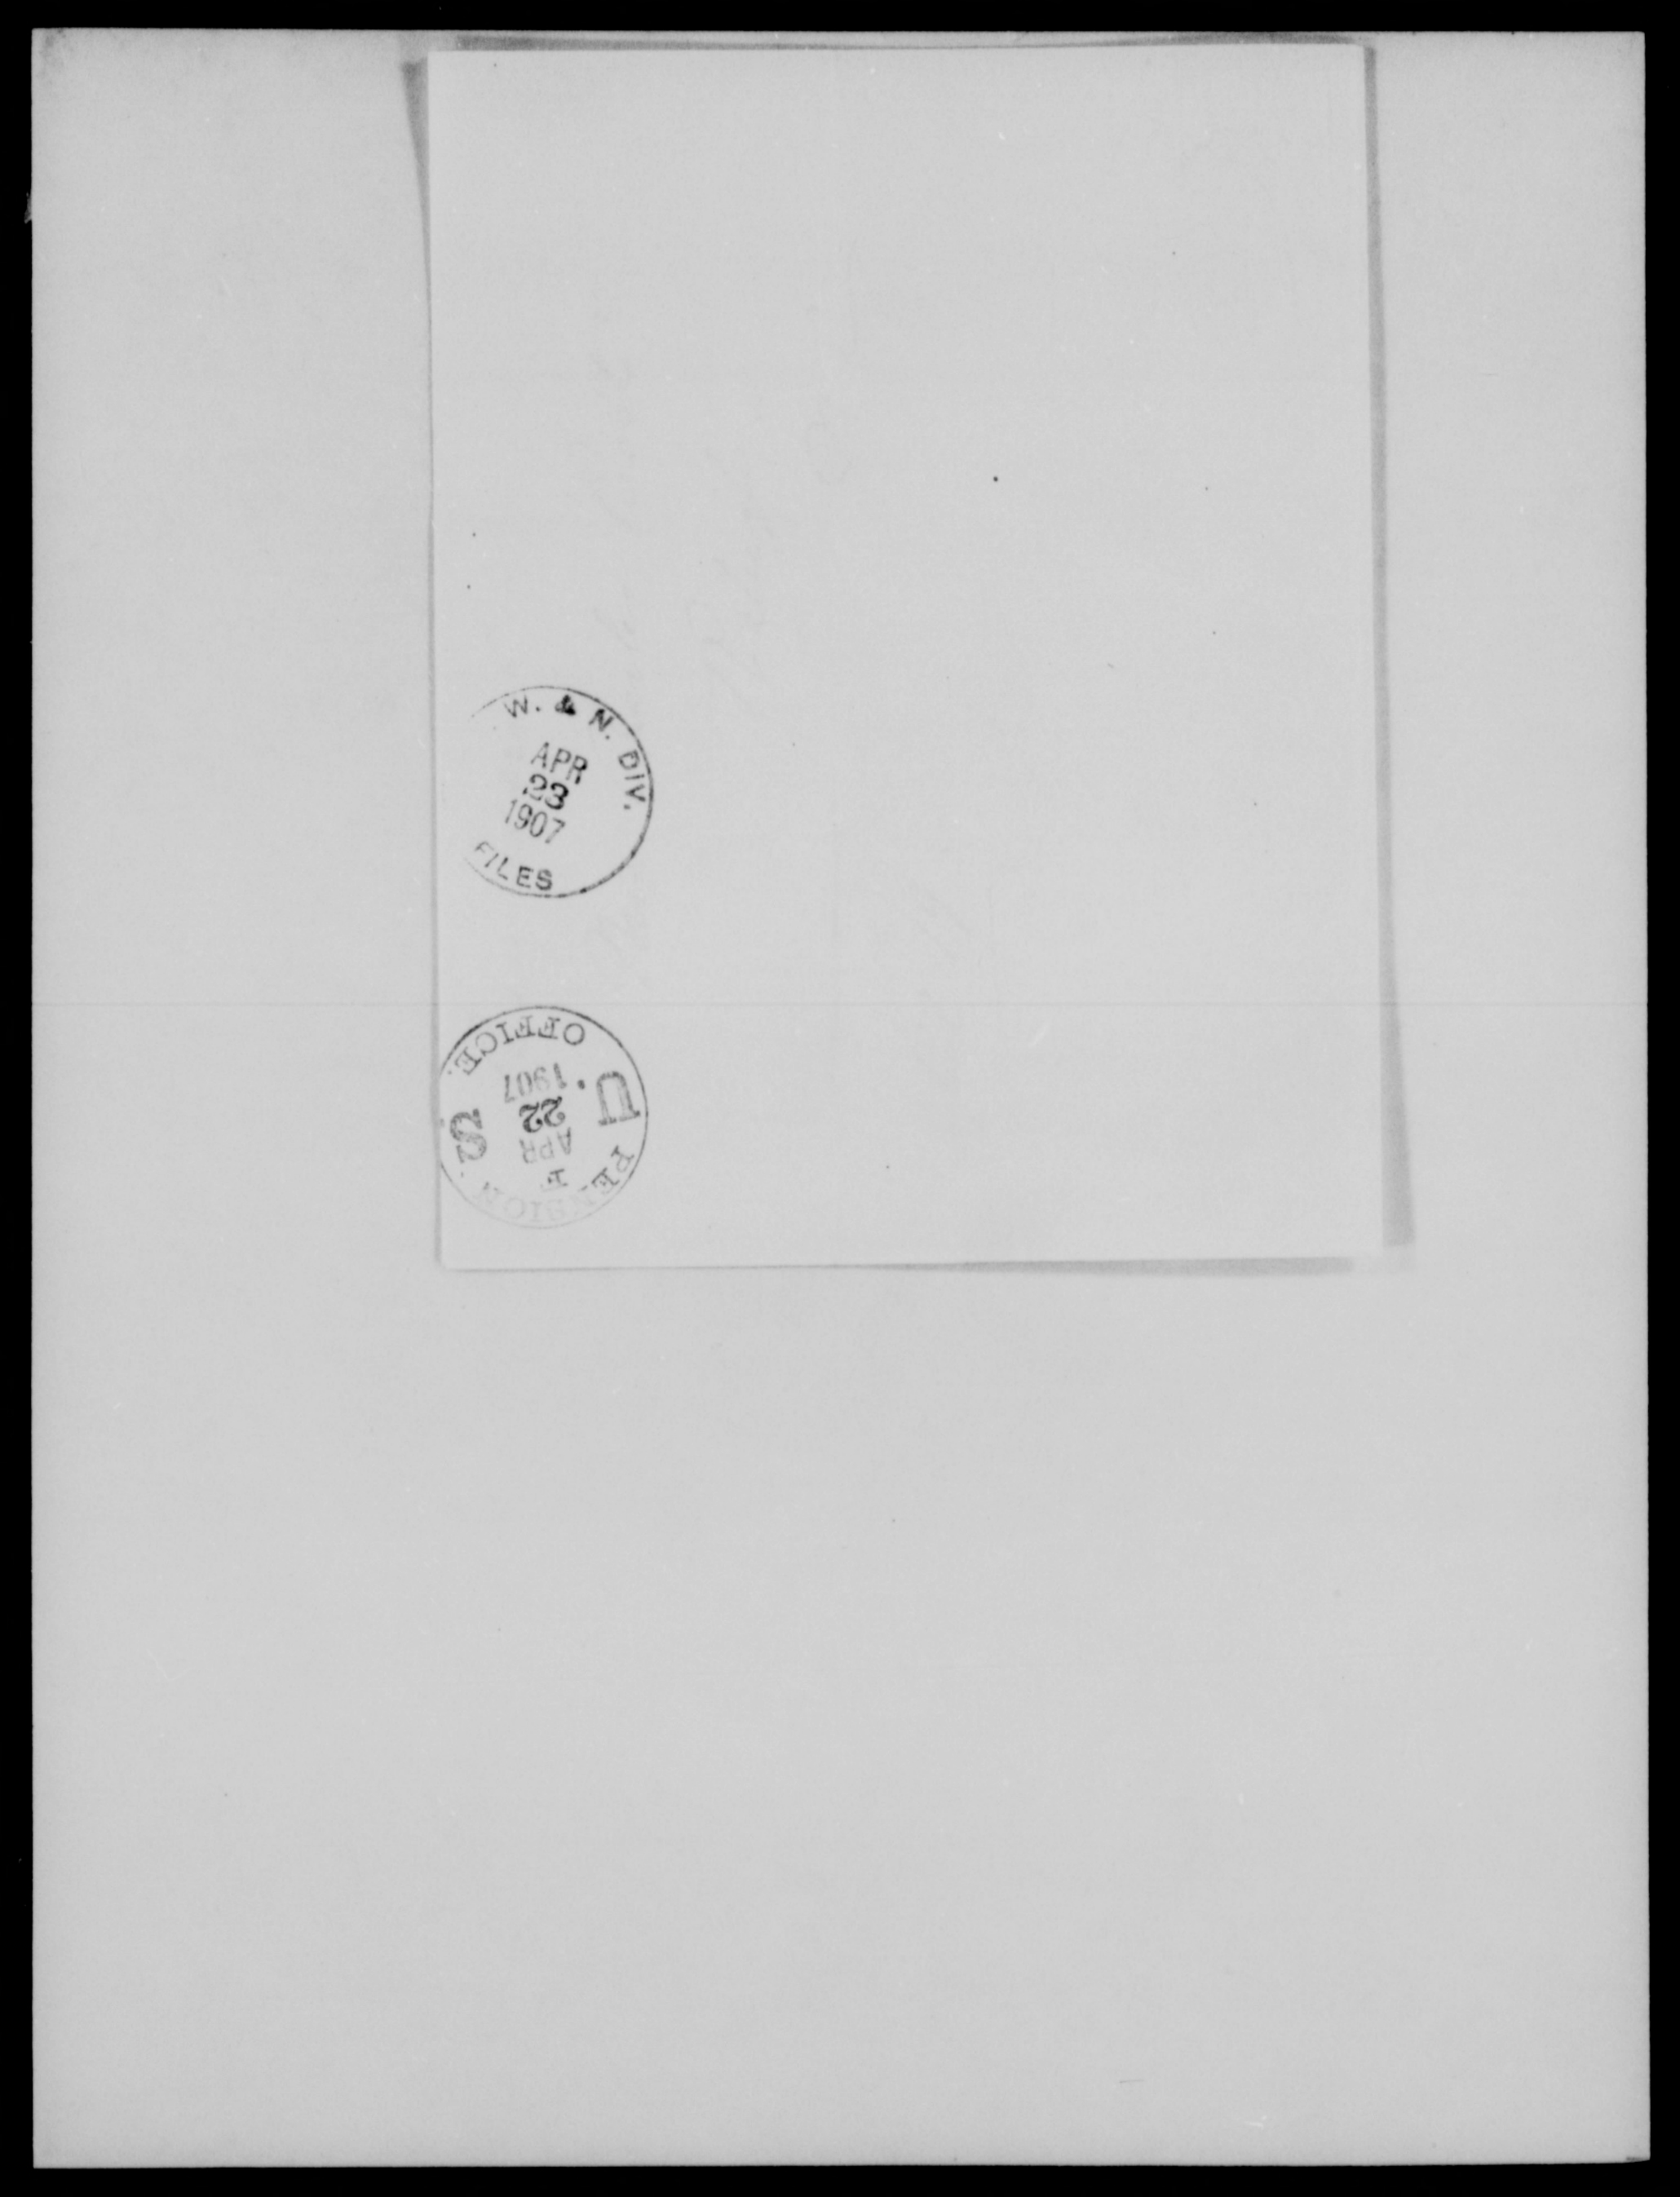[ink stamp #1:]

W. & N. Div.
Apr 23 1907
Files

[ink stamp #2:]

U.S.
Pension Office
Apr 22 1907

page: 24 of 29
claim: survivor's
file: S. 11415, for Aldert Smedes, New York